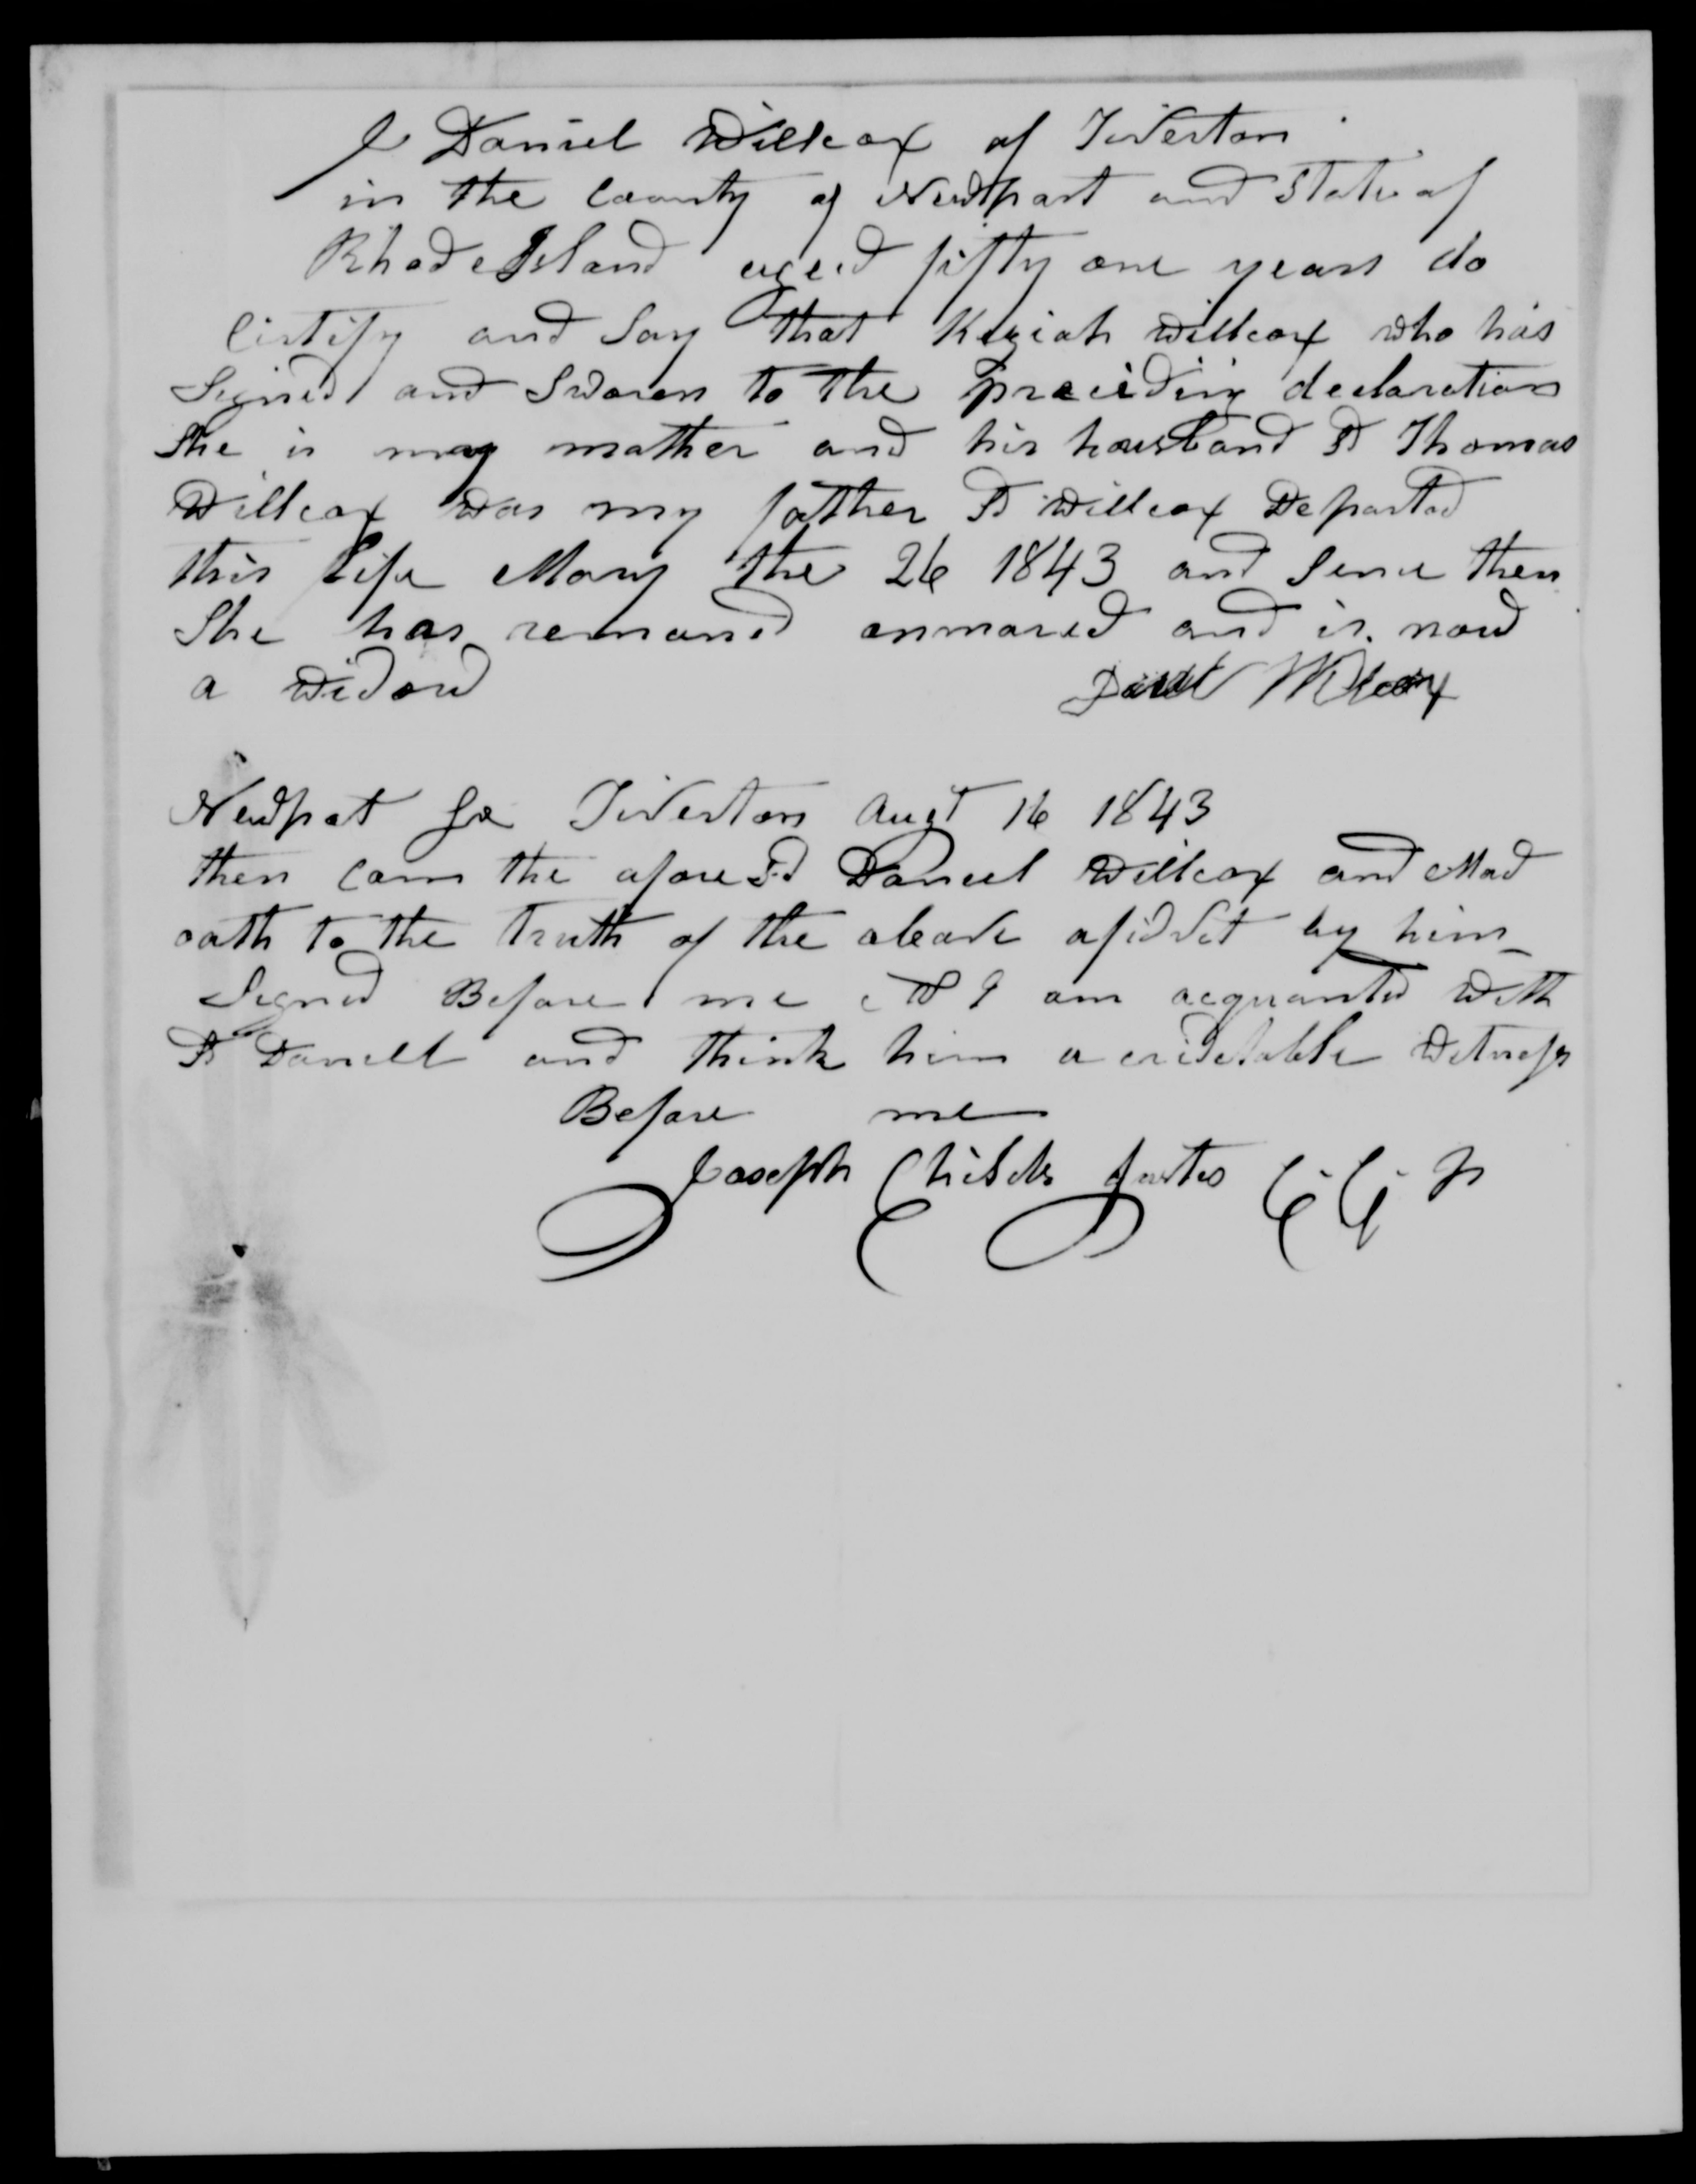I Daniel Willcox of Tiverton
in the County of Newport and State of
Rhode Island
aged fifty one years do
cirtify and say that Keziah Willcox who has
signed and sworen to the preciding declaration
She is my mother and his housbant st Thomas
Willcox was my father T Willcox Departed
this life May the 26 1843 and sence then
she has remand unmarried and is now
a widow
Daniel Willcox

Newport [illegible] Tiverton Augt 16 1843
then came the aforesad Daniel Willcox and made
oath to the truth of the above afidavet by him

Signed Before me [illegible] & I  am acquainted with
Daniell and think him a creditable witness
Before
me
Joseph Childs Justes CCJ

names: Daniel Willcox, Joseph Childs, Thomas Willcox, Keziah Willcox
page: 21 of 39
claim: widow's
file: W. 26046, Thomas Willcox, R.I.